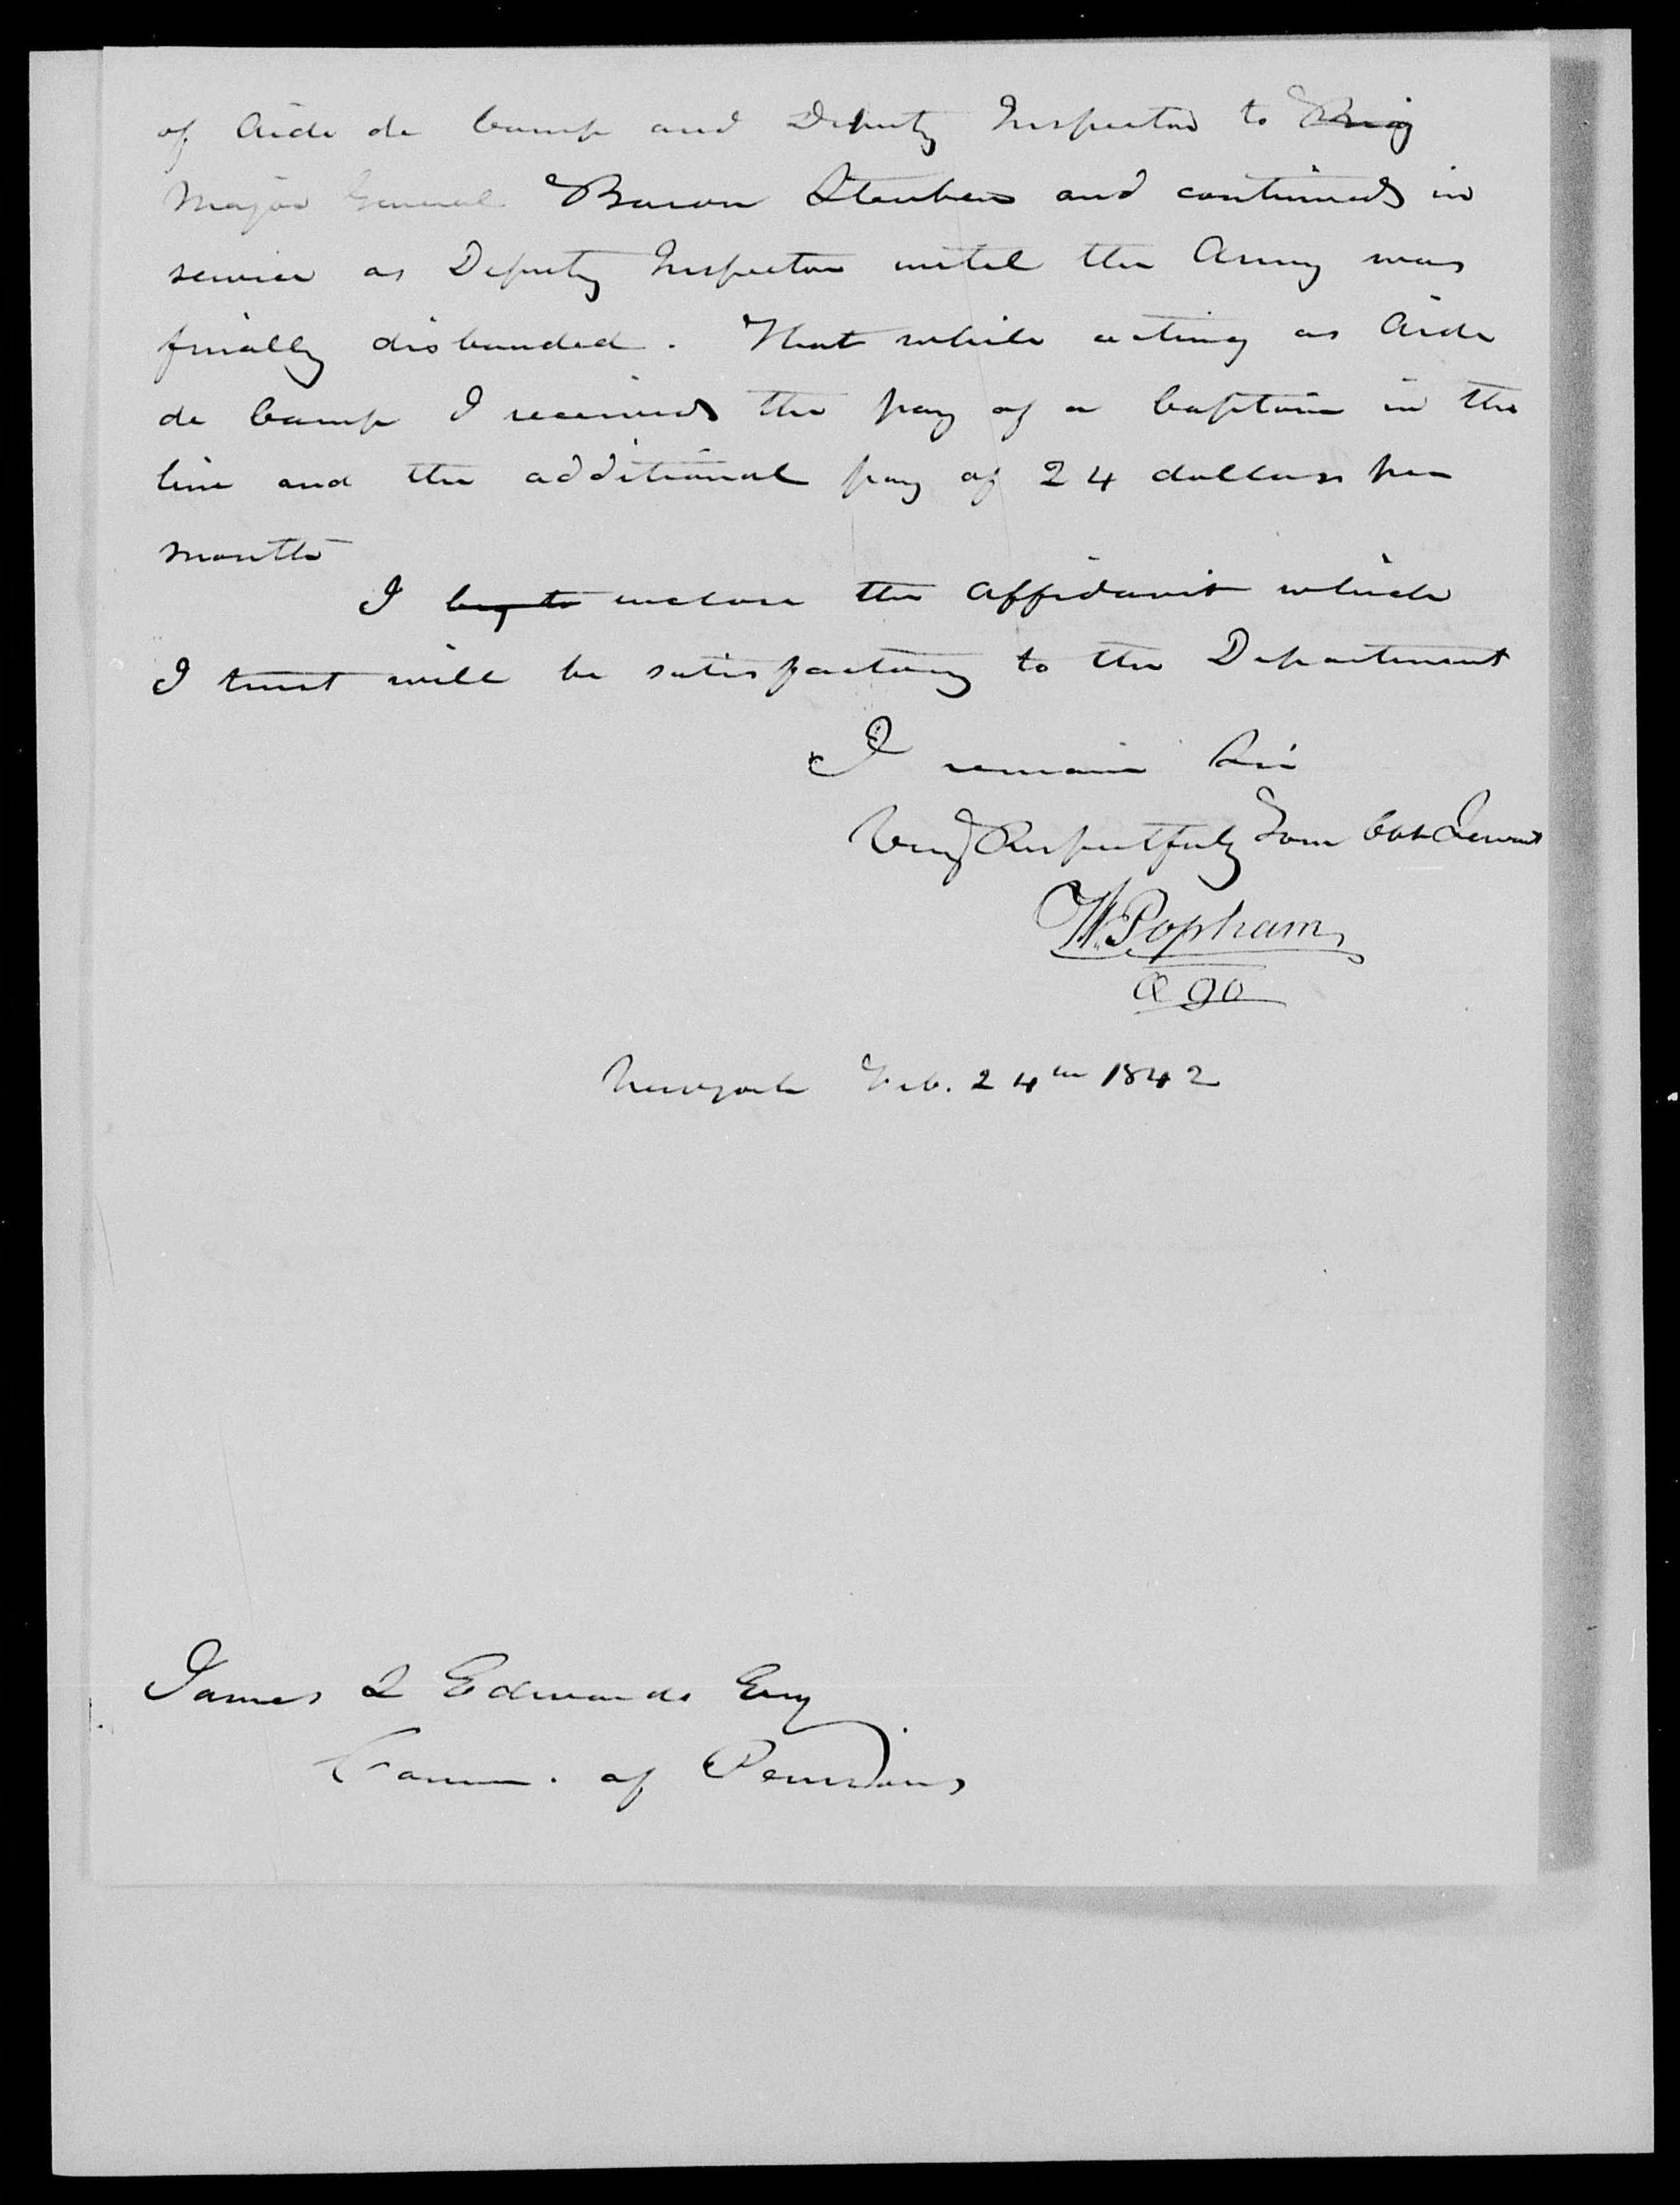of Aid de Camp and Deputy Inspector to Brig
Major General Baron Steuben and continued in
service as Deputy Inspector until the Army was
finally disbanded.
That while acting as Aide
de Camp I received the pay of a Captain in the
line and the additional pay of 24 dollars per
month
I [Illegible] enclose the affidavit which
I trust will be satisfactory
to the Department
I remain Sir
Very Respectfully Hum Obt Servant
W. Popham
a90
New york Feb. 24th 1842
2 Edward E
Com of Pensions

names: Baron Steuben; W Popham; James L Edwards; [BLANK] Lewis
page: 48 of 75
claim: survivor's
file: S. 9989, for William Popham, Delaware